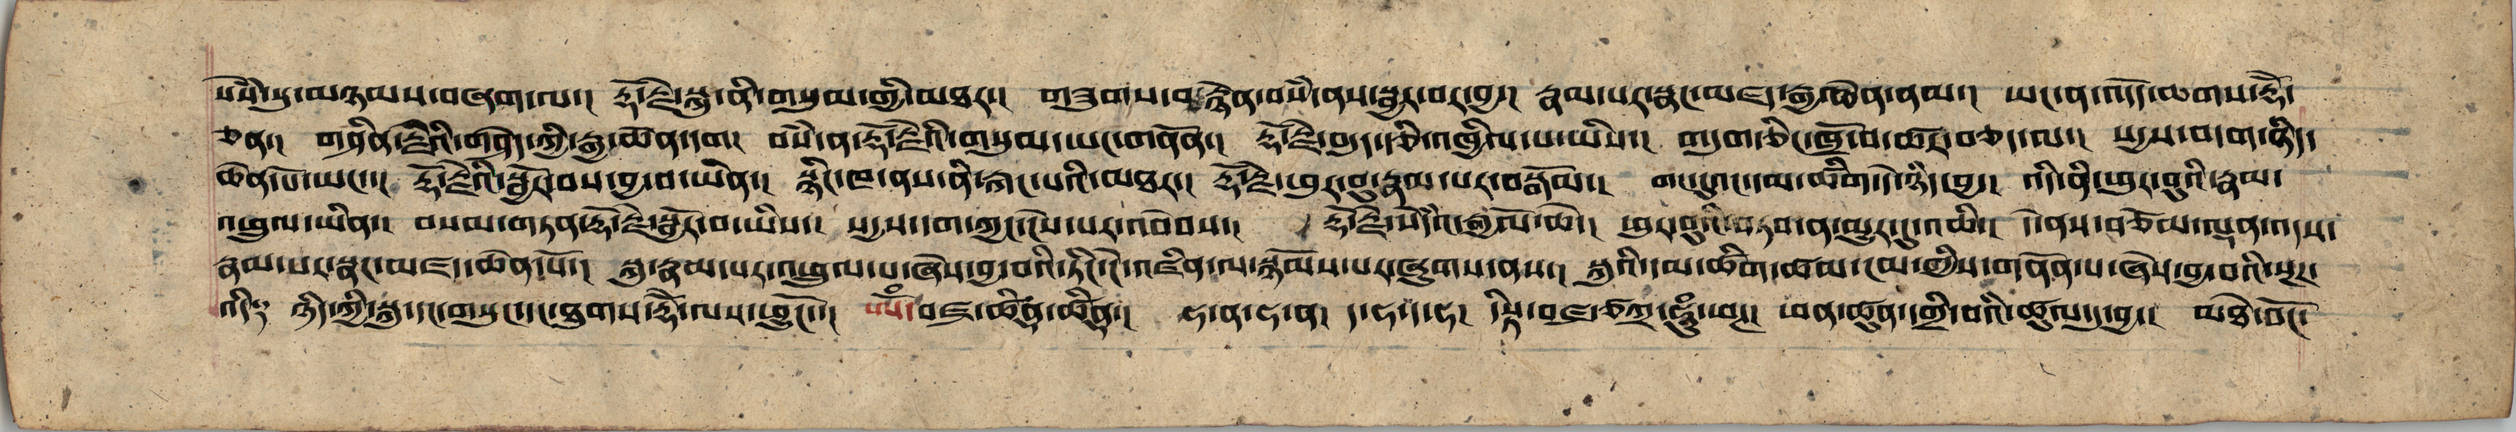སེཾས་སུ་མཉམས་བཞག་ལ་། རྡོ་རྗེ་སྐུ་ནི་གསུམ་གྱི་མཐར་། གཟུགས་བརྙེན་བསཾ་ནས་སྦྱར་བར་བྱ་། རྣམ་པར་སྣང་མཛད་རྒྱ་ཆེན་ནམ་། ཡང་ན་འདོད་ཆགས་རྡོེ་
ཅན་། གཤིན་རྗེའི་གཤེད་ཀྱི་རྒྱ་ཆེན་དག། བསཾ་ན་རྡོ་རྗེའི་གསུམ་ཡང་གནོན་། རྡོ་རྗེ་བདུད་རྩི་འཁྱིལ་པ་ཡིས་། གདུག་ཅིང་ཁྲོ་བ་ཚར་བཅད་ལ་། སདྱས་བདག་ཉིད་
ཆེན་པོ་ཡང་་། རྡོ་རྗེའི་སྦྱོར་བས་བྱ་བ་ཡིན་། སྙིང་ཁ་ནས་ནི་རྐང་པའི་མཐར་། རྡོ་རྗེ་ཕུར་བུ་རྣམ་པར་བསྒོམ་། གང་དུའང་དམ་ཚིག་དེ་ཉིད་བྱ་། འདི་ནི་ཕུར་བུའི་རྣམ་
འཕྲུལ་ཡིན་། བསམ་གཏན་རྡོ་རྗེ་སྦྱོར་བ་ཡིས་། སདྱས་དག་ཀྱང་ངེས་པར་འབེབས་། རྡོ་རྗེ་སེདའཾ་རྒྱལོ་ཆེ་། ཕུར་བུའི་བཏབ་ན་མྱུར་དུ་འཆི་། དེ་ནས་བཅོམ་ལྡན་འདས་
རྣམ་པར་སྣང་མཛད་ཆེན་པོ་། སྐུ་རྣམ་པར་འཕྲུལ་པ་ཞེས་བྱ་བའི་ཏིང་ངེ་འཛིན་ལ་སྙོམས་པར་ཞུགས་ནས་། སྐུའི་དམ་ཚིག་ཚམ་ངམ་གྱིས་གནོན་པ་ཞེས་བྱ་བའི་སྔཌ་
འདི༑ ཉིད་ཀྱི་སྐུ་དང་གསུང་དང་ཐུགས་རྡོེ་ལས་ཕྱུངོ་་། ཨོཾ་བཛྲ་ཚིནྡྷ་ཚིནྡྷ་། ཧ་ན་ཧ་ན། ད་ཧ་ད་ཧ། དིསྟ་བཛྲ་ཙཀྲ་ཧཱུཾ་ཕཊ། ཕན་ཚུན་དགྲི་བའི་ཚུལ་དུ་བྱ་། མཐེ་བོང་